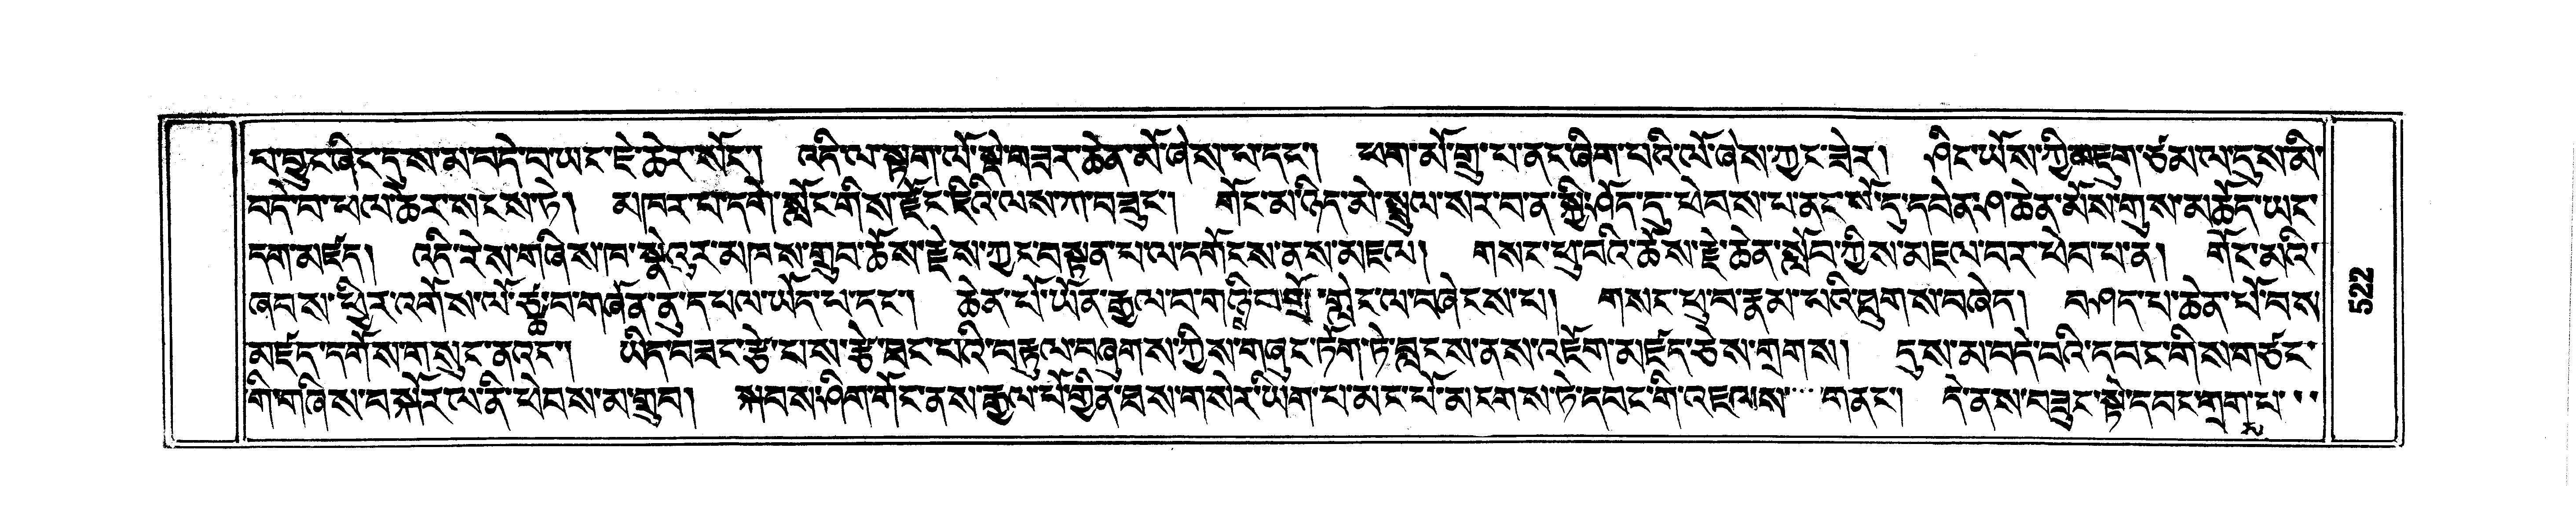པ་བྱུང་ཞིང་དུ་ས་མ་བདེ་བ་ཡང་ཇེ་ཆེར་སོང་། འདི་ལ་སྟག་ལོ་སྡེ་གཟར་ཆེན་མོ་ཞེས་པ་དང་། ཕག་མོ་གྲུ་པ་ནང་ཞིག་པའི་ལོ་ཞེས་ཀྱང་ཟེར། ཤིང་ཡོས་ཀྱི་མཇུག་ཙམ་ལ་དུས་མི་
བདེ་བ་ཕལ་ཆེར་སངས་ཏེ། མཁར་པ་དགེ་སློང་གིས་རྫོང་ཇིའི་ལས་ཀ་བཟུང་། གོང་མ་ཉིད་མེ་སྤྲུལ་སར་བ་ནས་ཀྱི་ཤོད་དུ་ཕེབས་པ་ནང་སོ་དུ་དབེན་ཤ་ཆེན་མོས་གུས་མཆོད་ཡང་
དག་མཛད། འདི་རེས་གཞིས་ཁ་སྣེའུར་མཁས་གྲུབ་ཆོས་རྗེས་ཀྱང་བསྟན་པ་ལ་དགོངས་ནས་མཇལ། གསང་ཕུ་བའི་ཆོས་རྗེ་ཆེན་སློབ་ཀྱིས་མཇལ་བར་ཕེབ་པ་ན། གོང་མའི་
ཞབས་ཕྱིར་འགོས་ལོ་ཙྪ་བ་གཞོན་ནུ་དཔལ་ཡོད་པ་དང་། ཆེན་པོ་ཡོན་རྒྱལ་བ་གཉིས་བགྲོ་གླེང་ལ་བཞེངས་པ། གསང་ཕུ་བ་རྣམ་པའི་ཐུགས་བཞེད། བཤད་པ་ཆེན་པོ་བས་
མཛད་དགོས་གསུང་ནའང་། ཡིད་བཟང་རྩེ་བས་རྩེ་ཐང་པའི་བརྟུལ་བཞུགས་ཀྱིས་གཟུང་ཏོག་ཏེ་བླངས་ནས་འཇོག་མཛད་ཅེས་གྲགས། དུས་མ་བདེ་བའི་དབང་གིས་གཙང་
གི་གཞིས་བསྐོར་ལ་ནི་ཕེབས་མ་གྲུབ། སྐབས་ཤིག་གོང་ནས་རྒྱལ་པོ་གྱིན་ཐས་གསེར་ཡིག་པ་མང་པོ་མངགས་ཏེ་དབང་གི་འཇལ་ས་གནང་། དེ་ནས་བཟུང་སྟེ་དབང་གྲགས་པ་